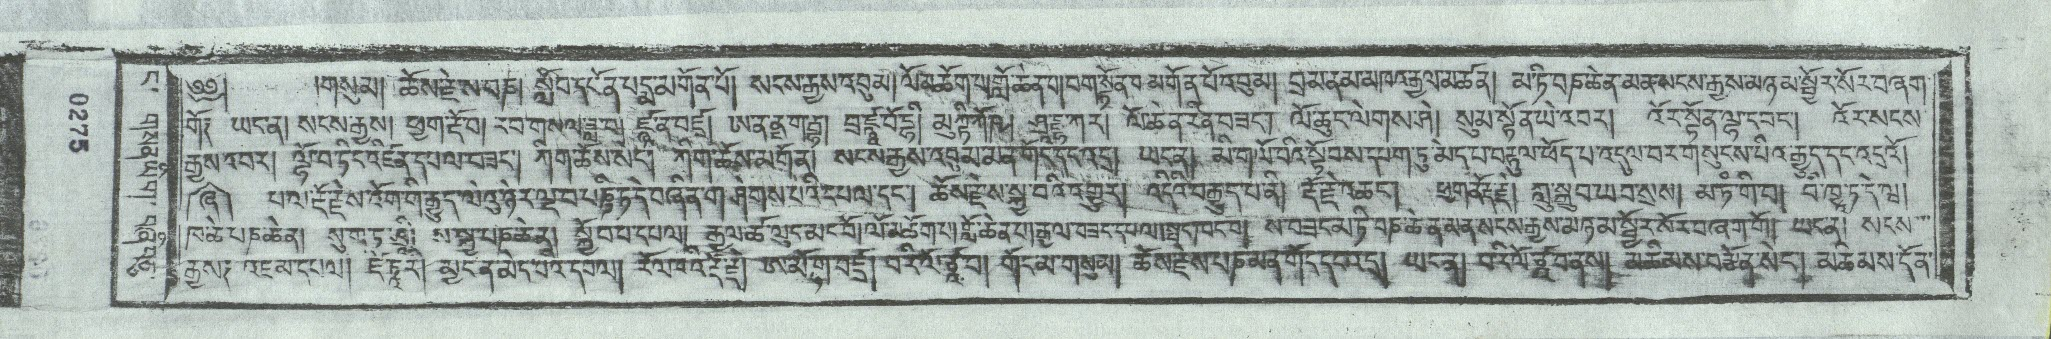༄༅། །གསུམ། ཆོས་རྗེ་ས་པཎ། སློབ་དཔོན་པདམ་མགོན་པོ། སངས་རྒྱས་འབུམ། ལོ་མཆོག་པ། གློ་ཆེན་པ། བག་སྟོང་བ་མགོན་པོ་འབུམ། བྲ་མ་ནམ་མཁའ་རྒྱལ་མཚན། མ་ཏི་པཎ་ཆེན་མན་སངས་རྒྱས་མཉམ་སྦྱོར་སོར་བཞག་
གོ༑ ཡང་ན། སངས་རྒྱས། ཕྱག་རྡོ་བ། རབ་གསལ་ཟླ་བ། ཛྙཱ་ན་བཛྲ། ཨ་ན་ནྡ་གརྦྷ། བྲ་ཛྙཱ་བོདྷི། མུ་ཀྟི་ཀོ་ཥ། ཤྲཱ་དྡྷ་ཀ་ར། ལོ་ཆེན་རིན་བཟང་། འོ་ཆུང་ལེགས་?། ལུང་བསྟོན་ཡེ་འབར། ?་སྟོན་ལྟ་དབང་། འོར་སངས་
རྒྱས་འབར། ལྷོ་བ་ཏིང་འཛིན་དཔལ་བཟང་། ཀིག་ཆོས་སེང་། ཀིག་ཆོས་མགོན། སངས་རྒྱས་འབུམ་མན་གོང་དང་འདྲ། ཡང་ན། མི་གཡོ་བའི་སྟོབས་དཔག་ཏུ་མེད་པ་བརྟུལ་ཕོད་པ་འདུལ་བར་གསུངས་པའི་རྒྱུད་དང་འདྲའོ།
{ཞ}་པ་ལ་རྡོ་རྗེས་འོག་གི་རྒྱུད་ལེའུ་ཉེར་ལྔ་བ་པཎྜི་ཏ་དེ་བཞིན་གཤེགས་པའི་དཔལ་དང་། ཆོས་རྗེས་སྐྱ་བའི་འགྱུར། འདིའི་བརྒྱུད་པ་ནི། རྡོ་རྗེ་འཆང་། ཕྱག་ན་རྡོ་རྗེ། ཀླུ་སྒྲུབ་ཡབ་སྲས། མ་ཏཾ་གི་བ། བི་ཁྱཱ་ཏ་དེ་ཝ།
ཁ་ཆེ་པཎ་ཆེན། སུ་ག་ཏ་ཤྲཱི། ས་སྐྱ་པཎ་ཆེན། སྐྱོབ་པ་དཔལ། རྒྱལ་ཚ་ལུང་མང་བོ། ལོ་མཆོག་པ། གློ་ཆེན་པ། རྒྱལ་བཟང་དཔལ། སྤང་ཁང་བ། ས་བཟང་མ་ཏི་པཎ་ཆེན་མན་སངས་རྒྱས་མཉམ་སྦྱོར་སོར་བཞག་གོ། ཡང་ན། སངས་
རྒྱས། འཇམ་དཔལ། ཛེ་ཏཱ་རེ། མྱང་ན་མེད་པའི་དབའ། རོལ་པའི་རྡོ་རྗེ། ཨ་མོ་གྷ་བཛྲ། བ་རི་ལོ་ཙཱ་བ། གོང་མ་གསུམ། ཆོས་རྗེས་པཎ་མན་གོང་དང་འདྲ། ཡང་ན། བ་རི་ལོ་ཙཱ་བ་ནས། མཆིམས་བརྩོན་སོང་། མཆིམས་དོན་